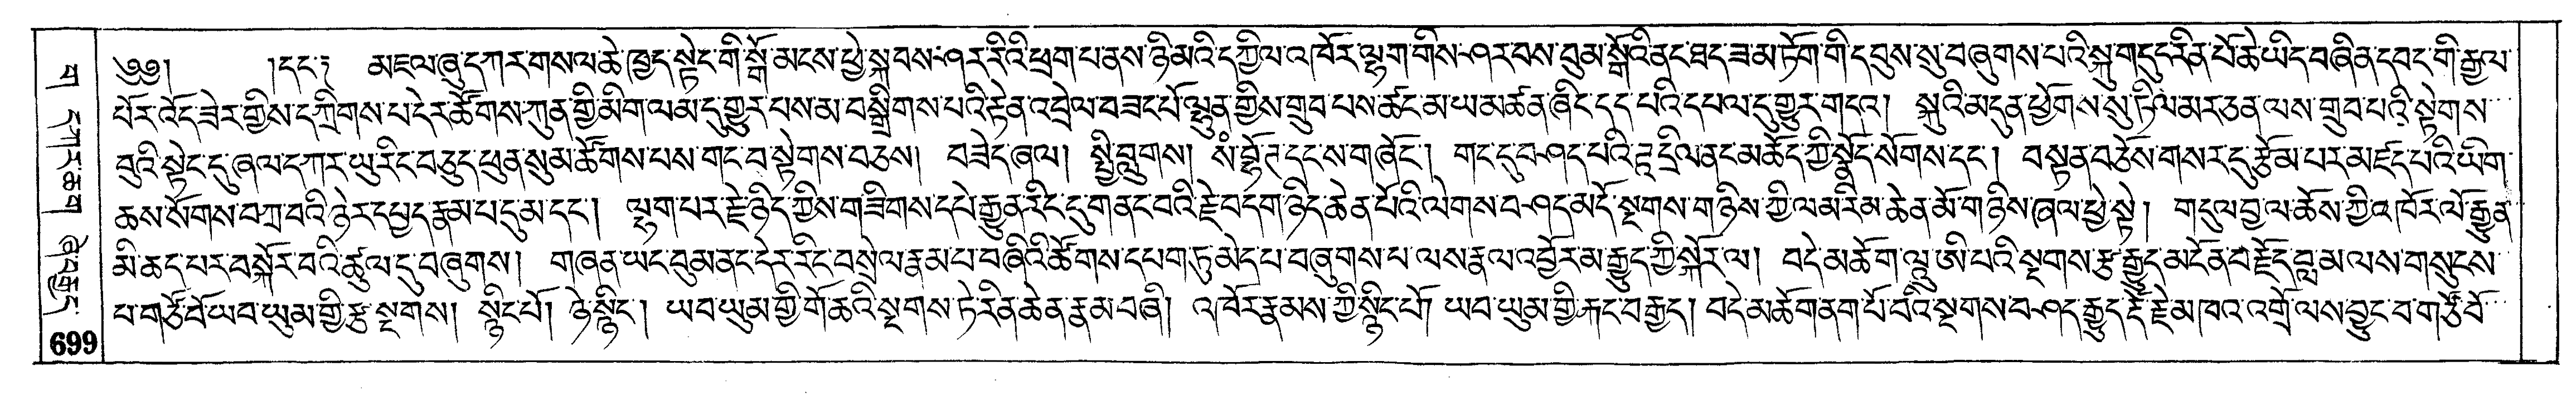༄༅། །དང༑ མཇལ་ཞུ་དཀར་གསལ་ཆེ་ཁྱད་སྟེང་གི་སྒོ་མངས་ཕྱེ་སྐབས་ཤར་རིའི་ཕྲག་པ་ནས་ཉི་མའི་དཀྱིལ་འཁོར་ལྷག་གིས་ཤར་བས་བུམ་སྒོའི་ནང་ཐད་ཟ་མ་ཏོག་གི་དབུས་སུ་བཞུགས་པའི་སྐུ་གདུང་རིན་པོ་ཆེ་ཡིད་བཞིན་དབང་གི་རྒྱལ་
པོར་འོད་ཟེར་གྱིས་དཀྲིགས་པ་དེར་ཚོགས་ཀུན་གྱི་མིག་ལམ་དུ་གྱུར་པ་སམ་བསྒྲིགས་པའི་རྟེན་འབྲེལ་བཟང་པོ་ལྷུན་གྱིས་གྲུབ་པས་ཚང་མ་ཡ་མཚན་ཞིང་ངད་པའི་དཔལ་དུ་གྱུར་གདའ། སྐུའི་མདུན་ཕྱོགས་སུ་ཏིལ་མར་ཅན་ལས་གྲུབ་པའི་སྟེགས་
བུའི་སྟེད་དུ་ཞལ་དཀར་ཡུ་རིང་བཅུད་ཕུན་སུམ་ཚོགས་པས་གང་བ་སྟེགས་བཅས། བཟེད་ཞལ། སྤྱི་བླུགས། སཾ་བྷོ་ཊ་དང་ས་གཞོང་། གོང་དུ་བཤད་པའི་ཌཱི་དྲིལ་ནང་མཆོད་ཀྱི་སྣོད་སོགས་དང་། བསྟན་བཅོས་གསར་དུ་རྩོམ་པར་མཛད་པའི་ཡིག་
ཆས་སོགས་བཀྲ་བའི་ཉེར་དཔྱད་རྣམ་པ་དུམ་དང་། ལྷག་པར་རྗེ་ཉིད་ཀྱིས་གཟིགས་དཔེ་རྒྱུན་རིང་དུ་གནང་བའི་རྗེ་བདག་ཉིད་ཆེན་པོའི་ལེགས་བཤད་མདོ་སྔགས་གཉིས་ཀྱི་ལམ་རིམ་ཆེན་མོ་གཉིས་ཞལ་ཕྱེ་སྟེ། གདུལ་བྱ་ལ་ཆོས་ཀྱི་འཁོར་ལོ་རྒྱུན་
མི་ཆད་པར་བསྐོར་བའི་ཚུལ་དུ་བཞུགས། གཞན་ཡང་བུམ་ནང་དེར་རིང་བསྲེལ་རྣམ་པ་བཞིའི་ཚོགས་དཔག་ཏུ་མེད་པ་བཞུགས་པ་ལས་རྣལ་འབྱོར་མ་རྒྱུད་ཀྱི་སྐོར་ལ། བདེ་མཆོག་ལཱུ་ཨི་པའི་སྔགས་རྩ་རྒྱུད་མངོན་བརྗོད་བླ་མ་ལས་གསུངས་
པ་གཙོ་བོ་ཡབ་ཡུམ་གྱི་རྩ་སྔགས། སྙིང་པོ། ཉེ་སྙིང་། ཡབ་ཡུམ་གྱི་གོ་ཆའི་སྔགས་ཏེ་རིན་ཆེན་རྣམ་བཞི། འཁོར་རྣམས་ཀྱི་སྙིང་པོ། ཡབ་ཡུམ་གྱི་རྐང་བརྒྱད། བདེ་མཆོག་ནག་པོ་པའི་སྔགས་བཤད་རྒྱུད་རྡོ་རྗེ་མཁའ་འགྲོ་ལས་བྱུང་བ་གཙོ་བོ་